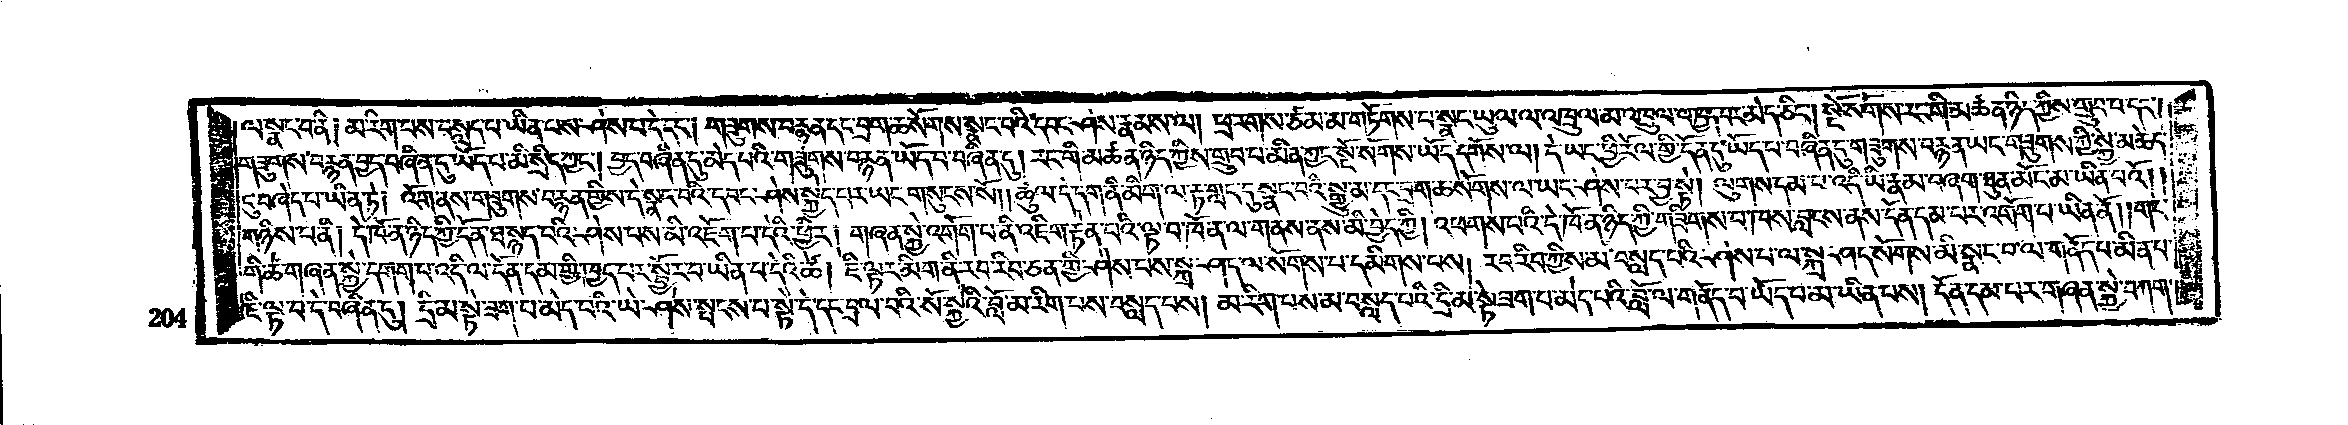ལ་སྣང་བ་ནི། མ་རིག་པས་བསླད་པ་ཡིན་པས་ཤེས་པ་དེ་དང་། གཟུགས་བརྙན་དང་བྲག་ཆ་སོགས་སྣང་བའི་དབང་ཤེས་རྣམས་ལ། ཕྲ་རགས་ཙམ་མ་གཏོགས་པ་སྣང་ཡུལ་ལ་འཁྲུལ་མ་འཁྲུལ་ལ་ཁྱད་པར་མེད་ཅིང་། སྔོ་སོགས་རང་གི་མཚན་ཉིད་ཀྱིས་གྲུབ་པ་དང་།
གཟུགས་བརྙན་བྱད་བཞིན་དུ་ཡོད་པ་མི་སྲིད་ཀྱང་། བྱད་བཞིན་དུ་མེད་པའི་གཟུགས་བརྙན་ཡོད་པ་བཞིན་དུ། རང་གི་མཚན་ཉིད་ཀྱིས་གྲུབ་པ་མིན་ཀྱང་སྔོ་སོགས་ཡོད་དགོས་ལ། དེ་ཡང་ཕྱི་རོལ་གྱི་དོན་དུ་ཡོད་པ་བཞིན་དུ་གཟུགས་བརྙན་ཡང་གཟུགས་ཀྱི་སྐྱེ་མཆེད་
དུ་བཞེད་པ་ཡིན་ཏེ། འོག་ནས་གཟུགས་བརྙན་གྱིས་དེ་སྣང་བའི་དབང་ཤེས་སྐྱེད་པར་ཡང་གསུངས་སོ། །ཚུལ་དེ་དག་ནི་མིག་ལ་རྟ་གླང་དུ་སྣང་བའི་སྒྱུ་མ་དང་བྲག་ཆ་སོགས་ལ་ཡང་ཤེས་པར་བྱ་སྟེ། ལུགས་དམ་པ་འདི་ཡི་རྣམ་བཞག་ཐུན་མོང་མ་ཡིན་པའོ། །
གཉིས་པ་ནི། དེ་ཁོ་ན་ཉིད་ཀྱི་དོན་ཐ་སྙད་པའི་ཤེས་པས་མི་འཇོག་པ་དེའི་ཕྱིར། གཞན་སྐྱེ་འགོག་པ་ནི་འཇིག་རྟེན་པའི་ལྟ་བ་ཁོ་ན་ལ་གནས་ནས་མི་བྱེད་ཀྱི། འཕགས་པའི་དེ་ཁོ་ན་ཉིད་ཀྱི་གཟིགས་པ་ཁས་བླངས་ནས་དོན་དམ་པར་འགོག་པ་ཡིན་ནོ། །གང་
གི་ཚེ་གཞན་སྐྱེ་དགག་པ་འདི་ལ་དོན་དམ་གྱི་ཁྱད་པར་སྦྱོར་བ་ཡིན་པ་དེའི་ཚེ། ཇི་ལྟར་མིག་ནི་རབ་རིབ་ཅན་གྱི་ཤེས་པས་སྐྲ་ཤད་ལ་སོགས་པ་དམིགས་པས། རབ་རིབ་ཀྱིས་མ་བསླད་པའི་ཤེས་པ་ལ་སྐྲ་ཤད་སོགས་མི་སྣང་བ་ལ་གནོད་པ་མིན་པ་
ཇི་ལྟ་བ་དེ་བཞིན་དུ། དྲི་མ་སྟེ་ཟག་པ་མེད་པའི་ཡེ་ཤེས་སྤངས་པ་སྟེ་དེ་དང་བྲལ་བའི་སོ་སྐྱེའི་བློ་མ་རིག་པས་བསླད་པས། མ་རིག་པས་མ་བསླད་པའི་དྲི་མ་སྟེ་ཟག་པ་མེད་པའི་བློ་ལ་གནོད་པ་ཡོད་པ་མ་ཡིན་པས། དོན་དམ་པར་གཞན་སྐྱེ་བཀག་